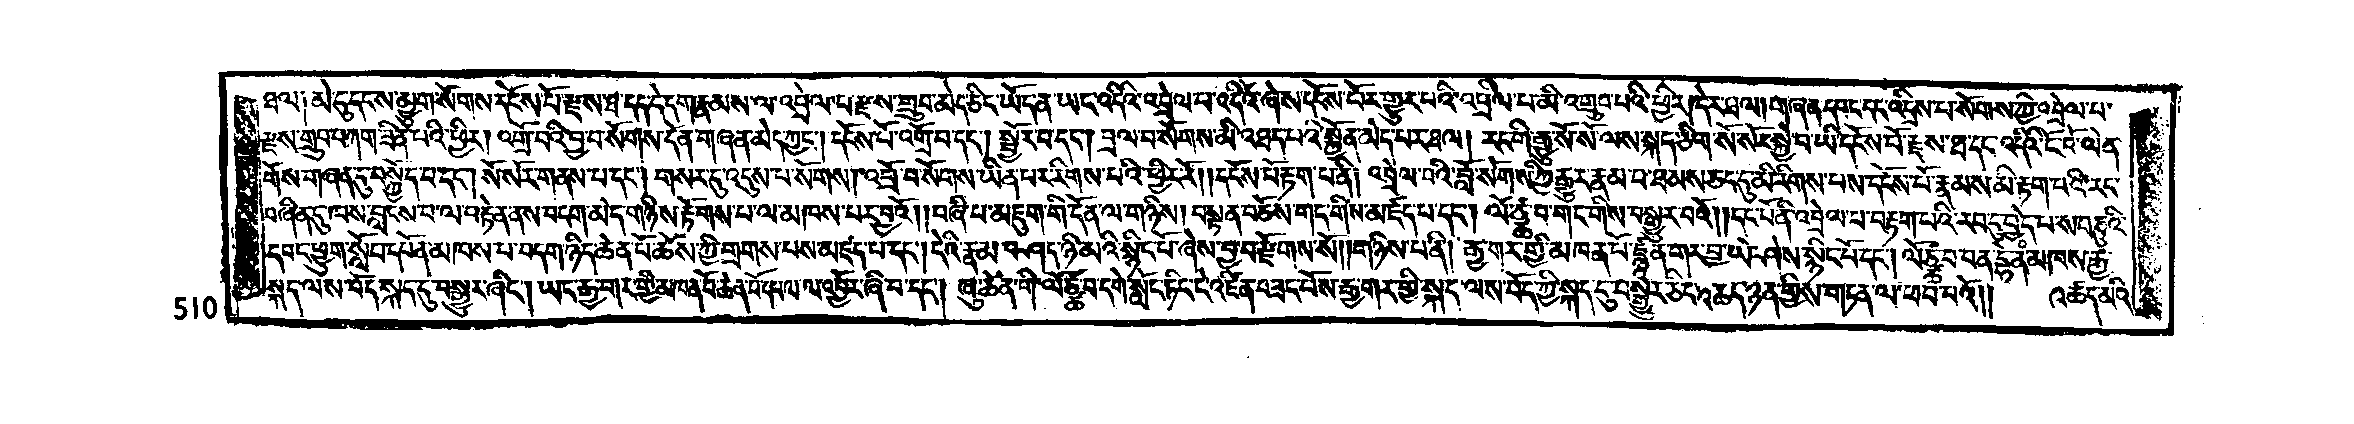ཐལ། མི་དུ་དང་ས་མྱུག་སོགས་དངོས་པོ་རྫས་ཐ་དད་དེ་དག་རྣམས་ལ་འབྲེལ་པ་རྫས་གྲུབ་མེད་ཅིང་ཡོད་ན་ཡང་འདིའི་འབྲེལ་པ་འདིའོ་ཞེས་དངོས་པོར་གྱུར་པའི་འབྲེལ་པ་མི་འགྲུབ་པའི་ཕྱིར། དེར་ཐལ། གཞན་དབང་དང་འདྲེས་པ་
སོགས་ཀྱི་འབྲེལ་པ་རྫས་གྲུབ་བཀག་ཟིན་པའི་ཕྱིར། འགྲོ་བའི་བྱ་བ་སོགས་དོན་གཞན་མེད་ཀྱང་། དངོས་པོ་འགྲོ་བ་དང་། སྦྱོར་བ་དང་། བྲལ་བ་སོགས་མི་འཐད་པའི་སྐྱོན་མེད་པར་ཐལ། རང་གི་རྒྱུ་སོ་སོ་ལས་སྐད་ཅིག་སོ་སོར་སྐྱེ་བ་ཡི་དངོས་པོ་རྫས་ཐ་དད་འདིའི་
ངོ་བོ་ཁོ་ན་གོས་གཞན་དུ་བསྐྱོད་པ་དང་། སོ་སོར་གནས་པ་དང་། གསར་དུ་འདུས་པ་སོགས། འགྲོ་བ་སོགས་ཡིན་པར་རིགས་པའི་ཕྱིར་རོ། །དངོས་པོ་རྟག་པ་ནི། འབྲེལ་པའི་བློ་སོགས་ཀྱི་རྒྱུར་རྣམ་པ་ཐམས་ཅད་དུ་མི་རིགས་པས་དངོས་པོ་རྣམས་མི་རྟག་པའི་རང་བཞིན་དུ་ཁས་བླངས་པ་ལ་བརྟེན་ནས་བདག་མེད་གཉིས་རྟོགས་པ་ལ་མཁས་པར་བྱའོ། །བཞི་པ་མཇུག་གི་དོན་ལ་གཉིས། བསྟན་བཅོས་གང་གིས་མཛད་པ་དང་། ལོཙྪ་བ་གང་གིས་བསྒྱུར་བའོ། །དང་པོ་ནི་འབྲེལ་པ་བརྟག་པའི་རབ་ཏུ་བྱེད་
པས་བཅུའི་དབང་ཕྱུག་སློབ་དཔོན་མཁས་པ་བདག་ཉིད་ཆེན་པོ་ཆོས་ཀྱི་གྲགས་པས་མཛད་པ་དང་། དེའི་རྣམ་བཤད་ཉི་མའི་སྙིང་པོ་ཞེས་བྱ་བ་རྫོགས་སོ། །གཉིས་པ་ནི། རྒྱ་གར་གྱི་མཁན་པོ་ཛྙཱ་ན་གར་བྷ་ཡེ་ཤེས་སྙིང་པོ་དང་། ལོཙྪ་བ་བན་སྡེ་ནམ་མཁས་རྒྱ་
སྐད་ལས་བོད་སྐད་དུ་བསྒྱུར་ཞིང་། ཡང་རྒྱ་གར་གྱི་མཁན་པོ་ཆེན་པོ་དཔལ་རབ་འབྱོར་ཞི་བ་དང་། ཞུ་ཆེན་གྱི་ལོཙྪ་བ་དགེ་སློང་ཏིང་ངེ་འཛིན་བཟང་པོས་རྒྱ་གར་གྱི་སྐད་ལས་བོད་ཀྱི་སྐད་དུ་བསྒྱུར་ཅིང་འཆད་ཉན་གྱིས་གཏན་ལ་ཕབ་པའོ།། །།ཚད་མའི་